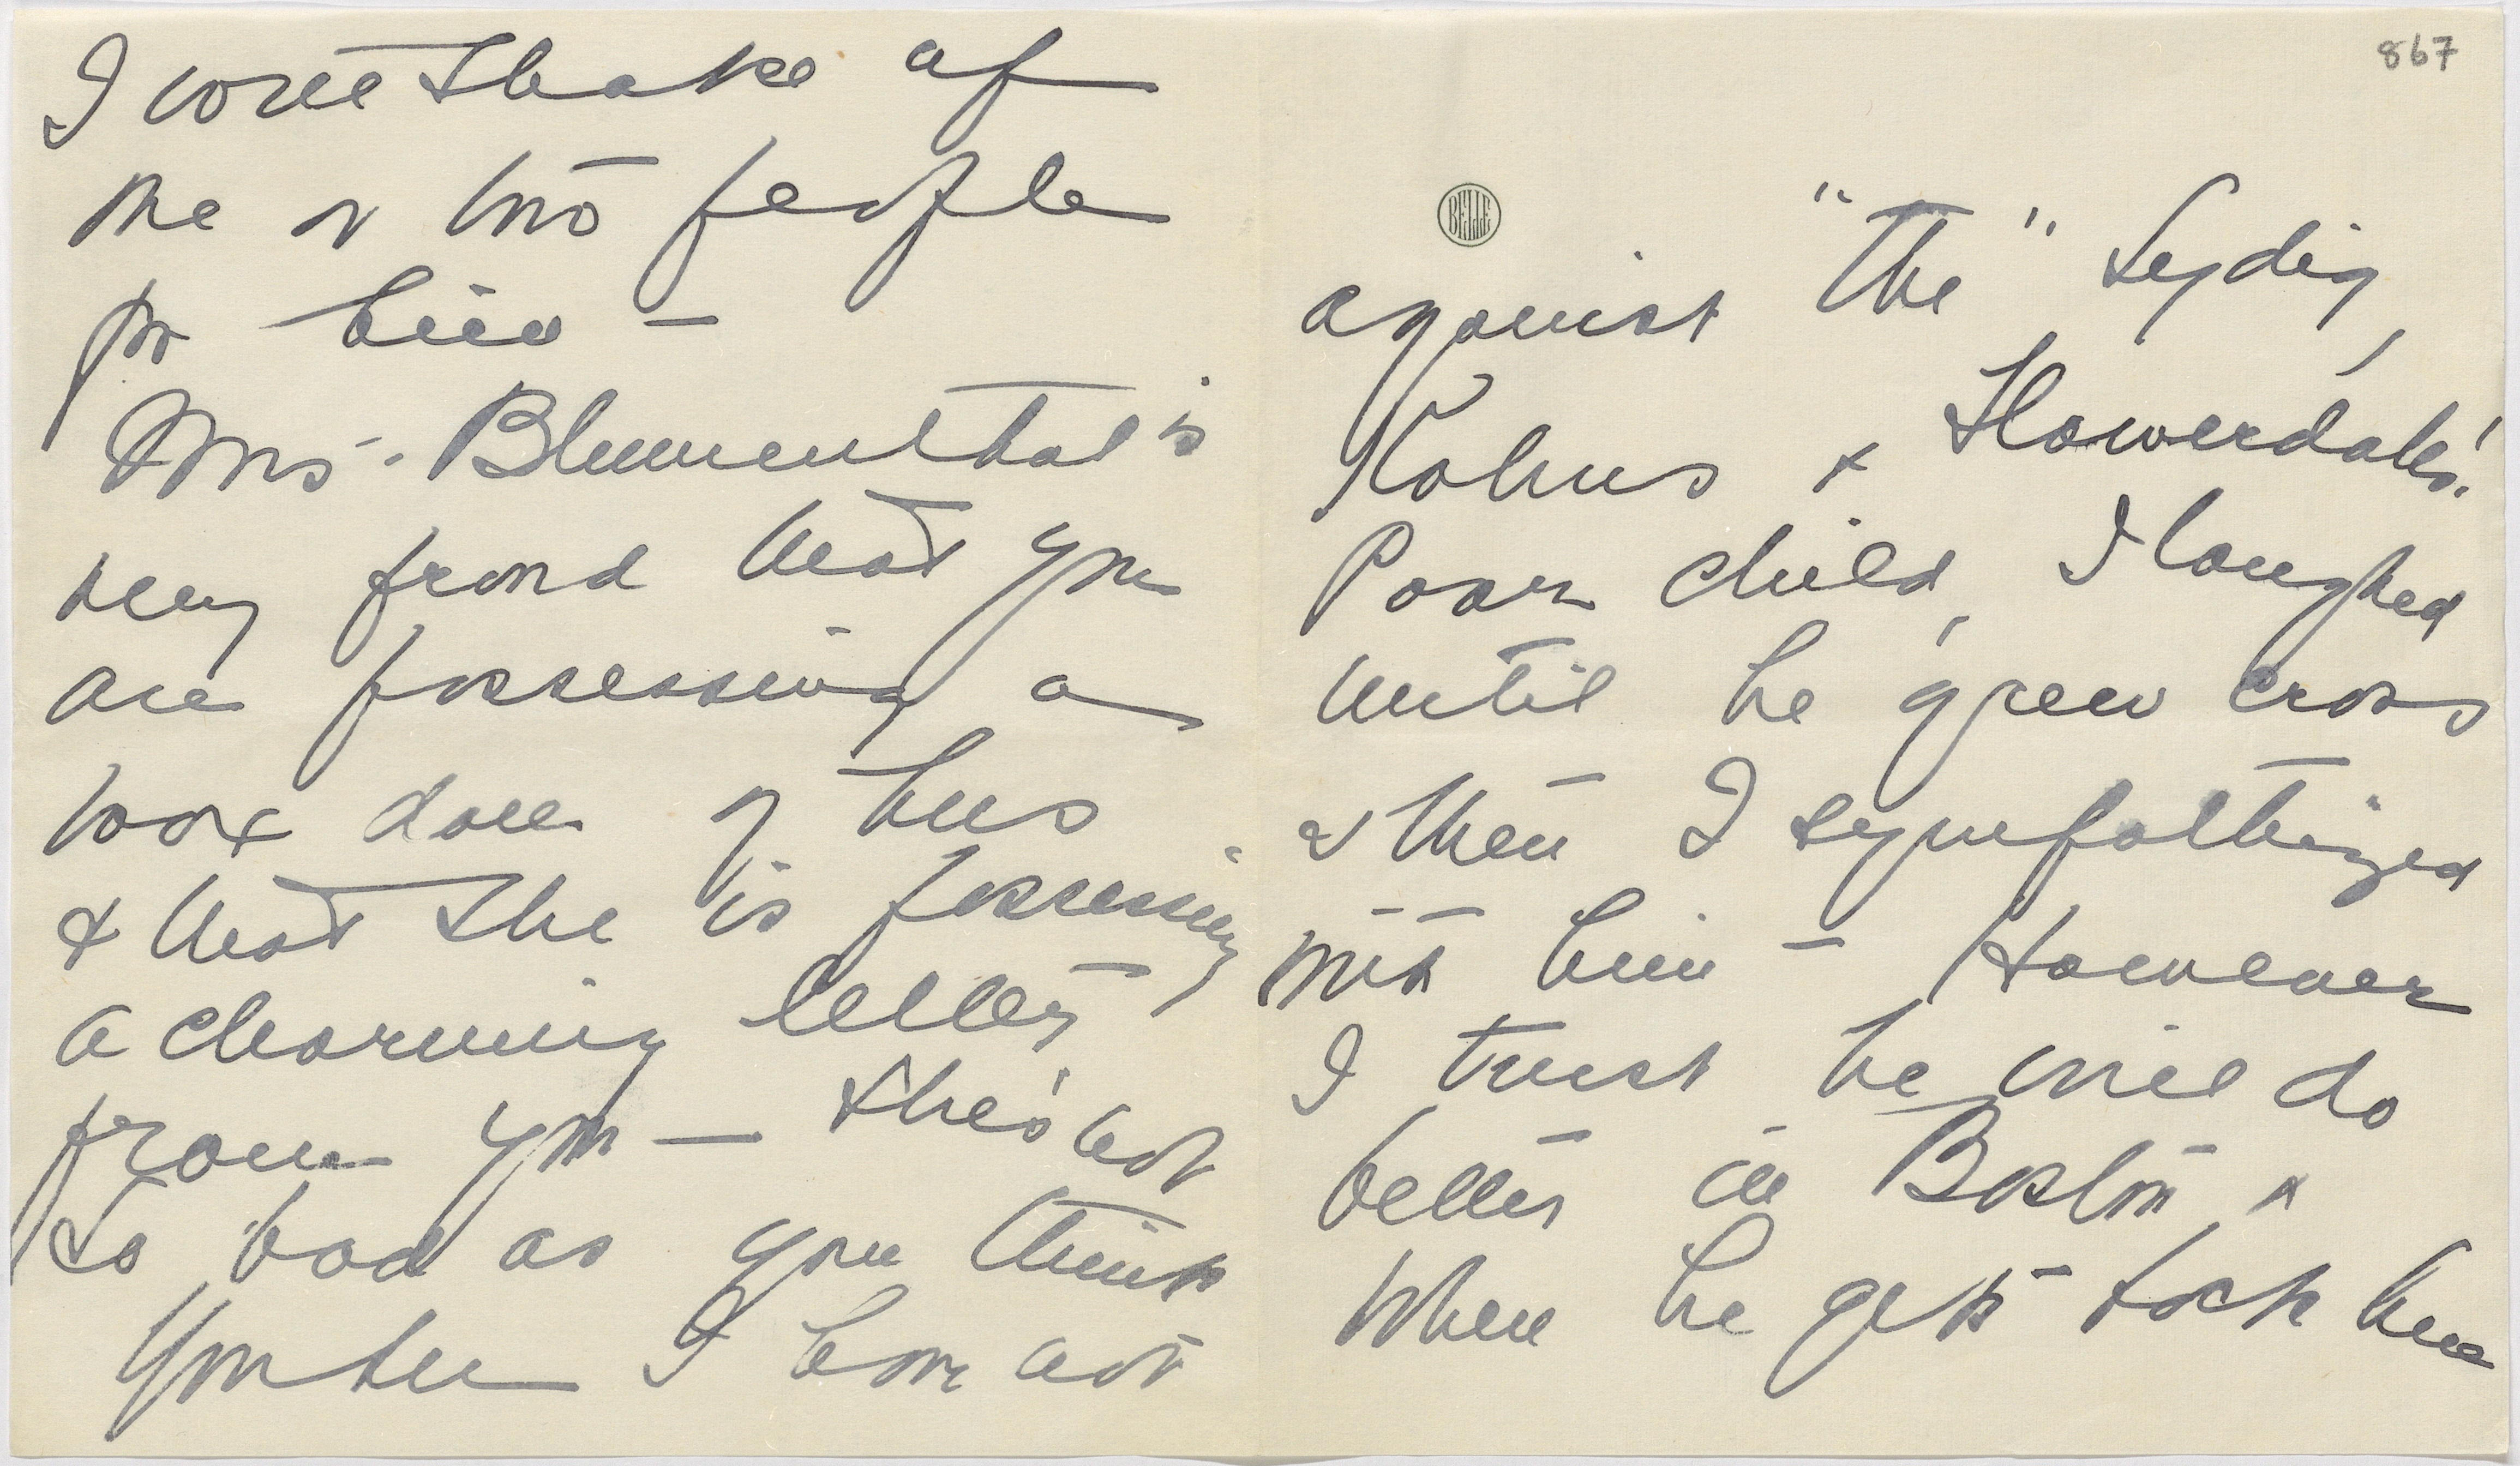against “the” Lydig, Kahns & Flowerdales! Poor child, I laughed until he grew cross & then I sympathized with him – However I trust he will do better in Boston & when he gets back here
I will shake up one or two people for him –
Mrs. Blumenthal is very proud that you are possessing a wax doll of hers & that she is possessing a charming letter from you – she’s not so bad as you think –
You see I have not